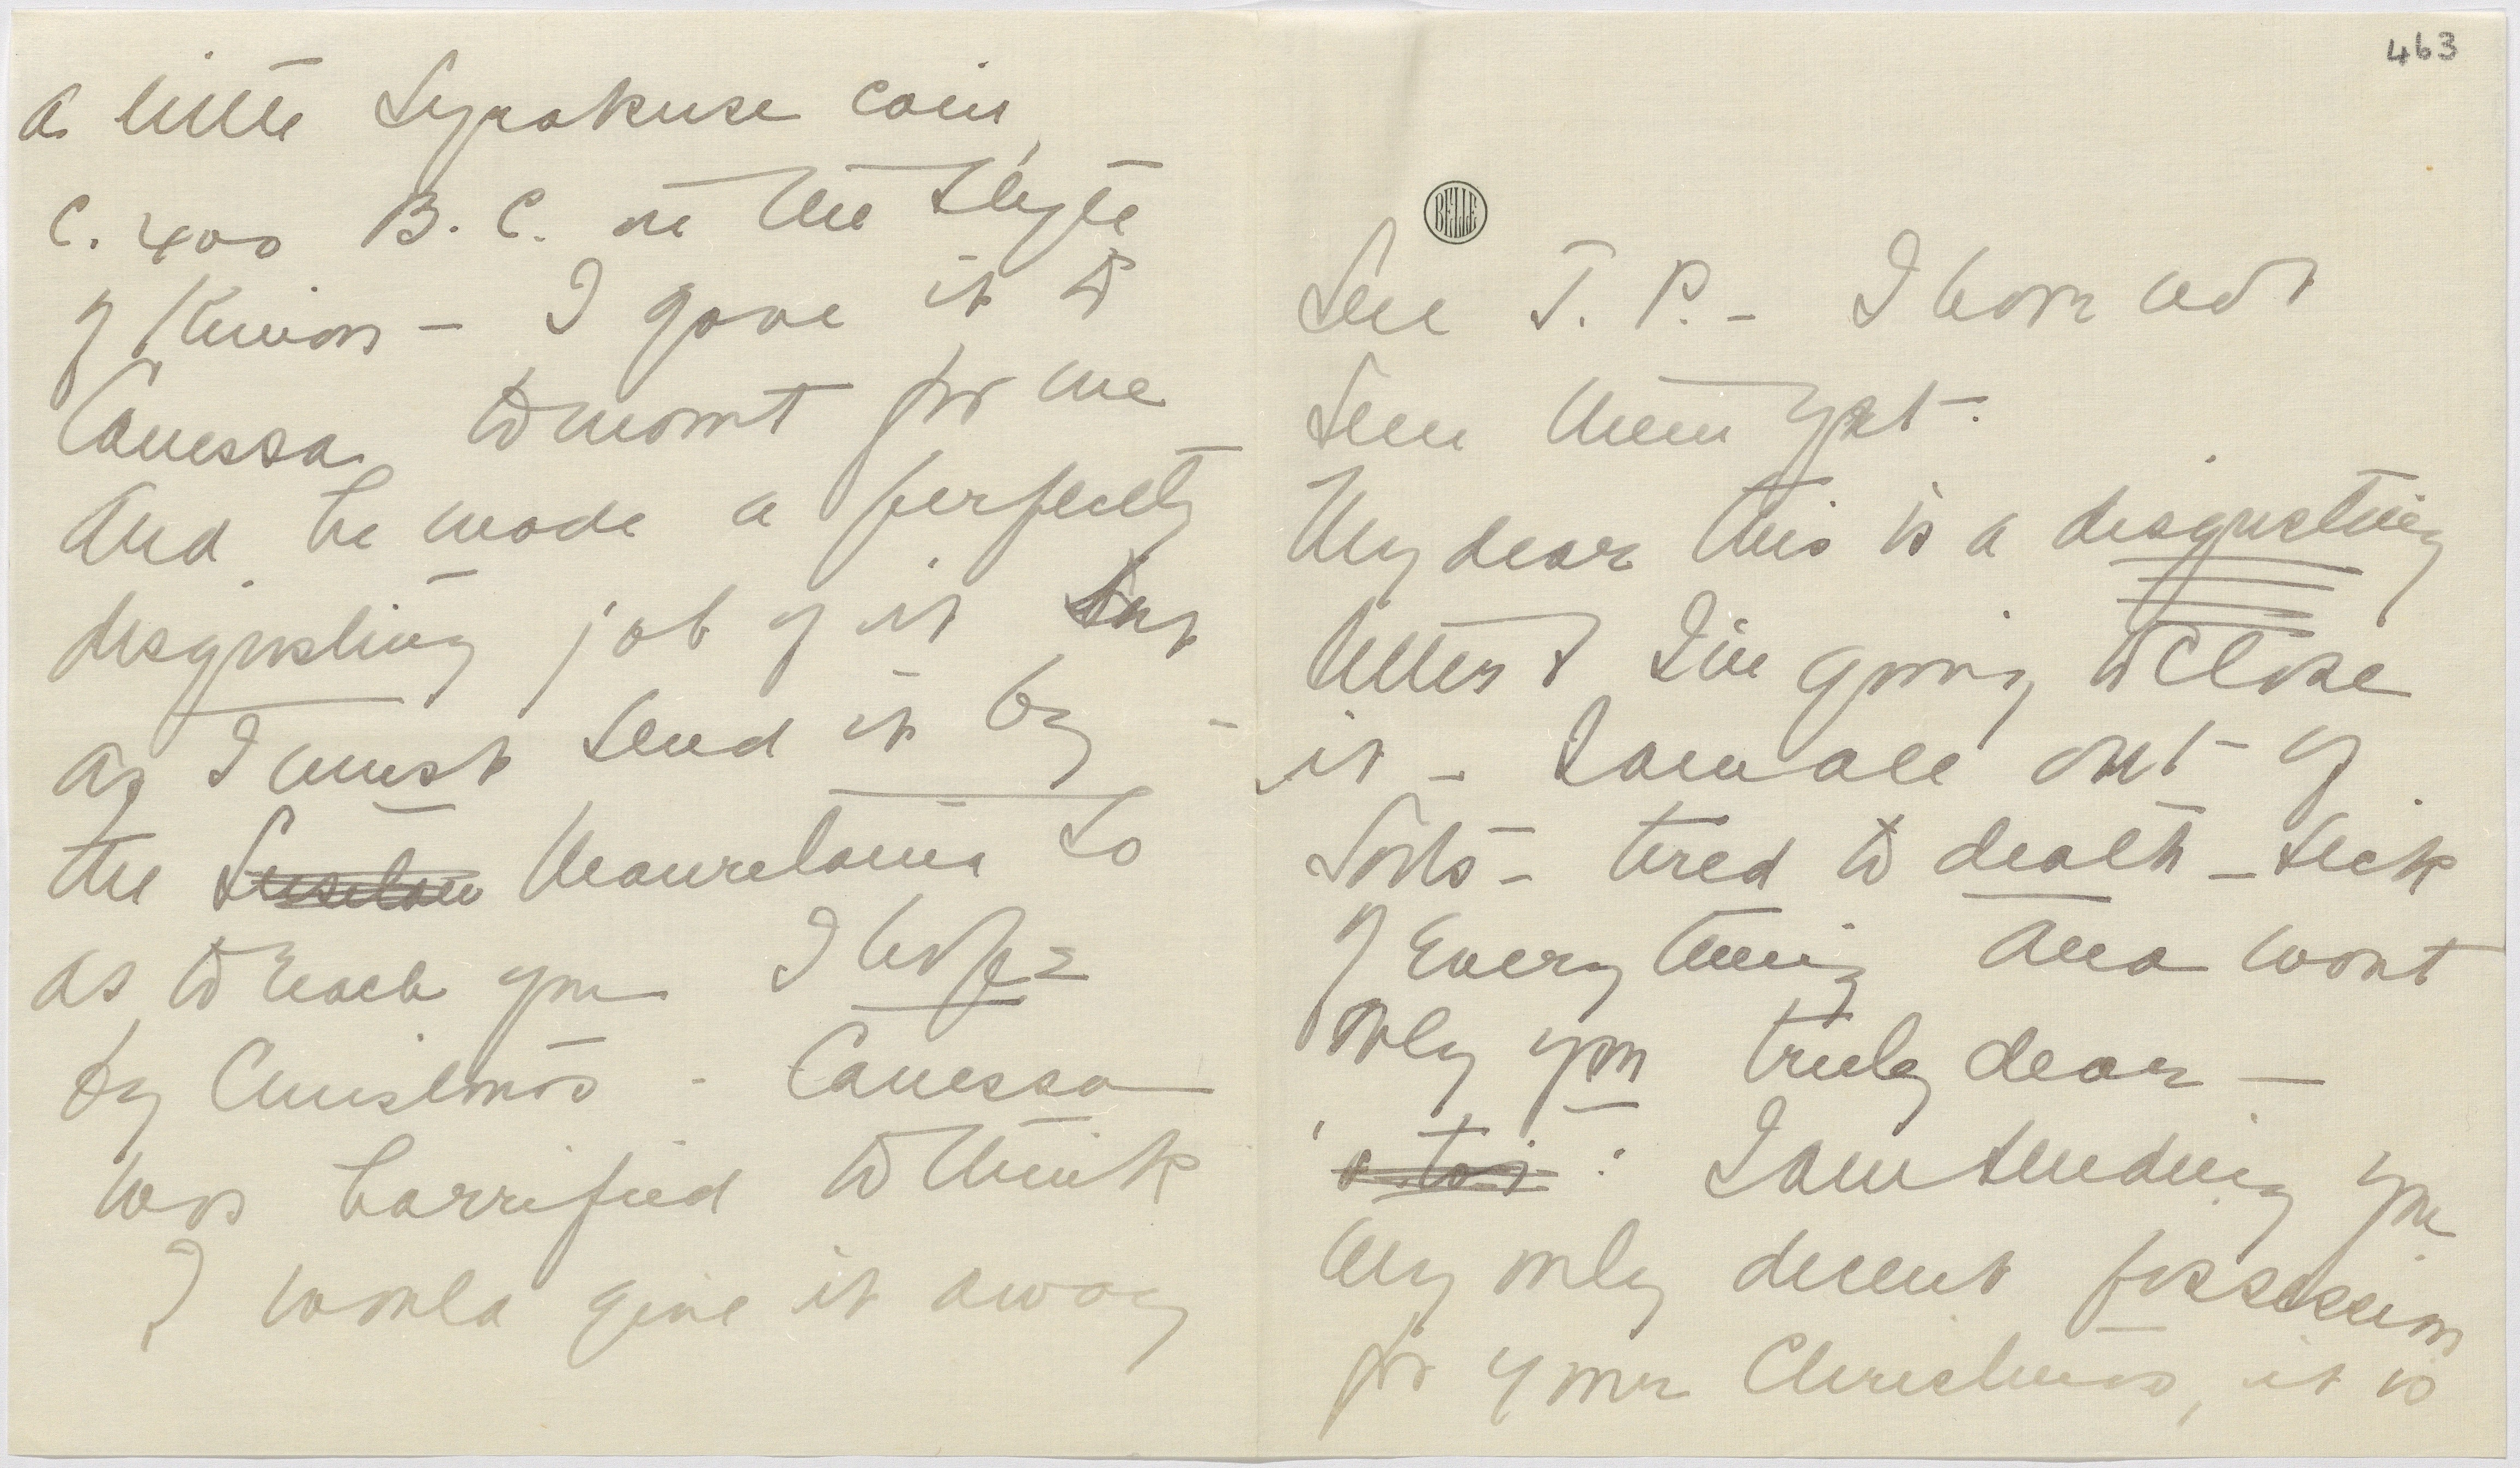sell J. P. – I have not seen them yet.
My dear this is a [quadruple underlined: disgusting] letter & I’m going to close it – I am all out of sorts – tired to death – sick of every thing and want only you truly dear –
‘a toi.’ I am sending you my only decent possession for your Christmas, it is
a little Syrakuse [sic] coin c. 400 B.C. in the style of Kimon – I gave it to Canessa to mount for me and he made a perfectly disgusting job of it but as I must send it by the Lusitan Mauretania so as to reach you I hope by Christmas – Canessa was horrified to think I would give it away